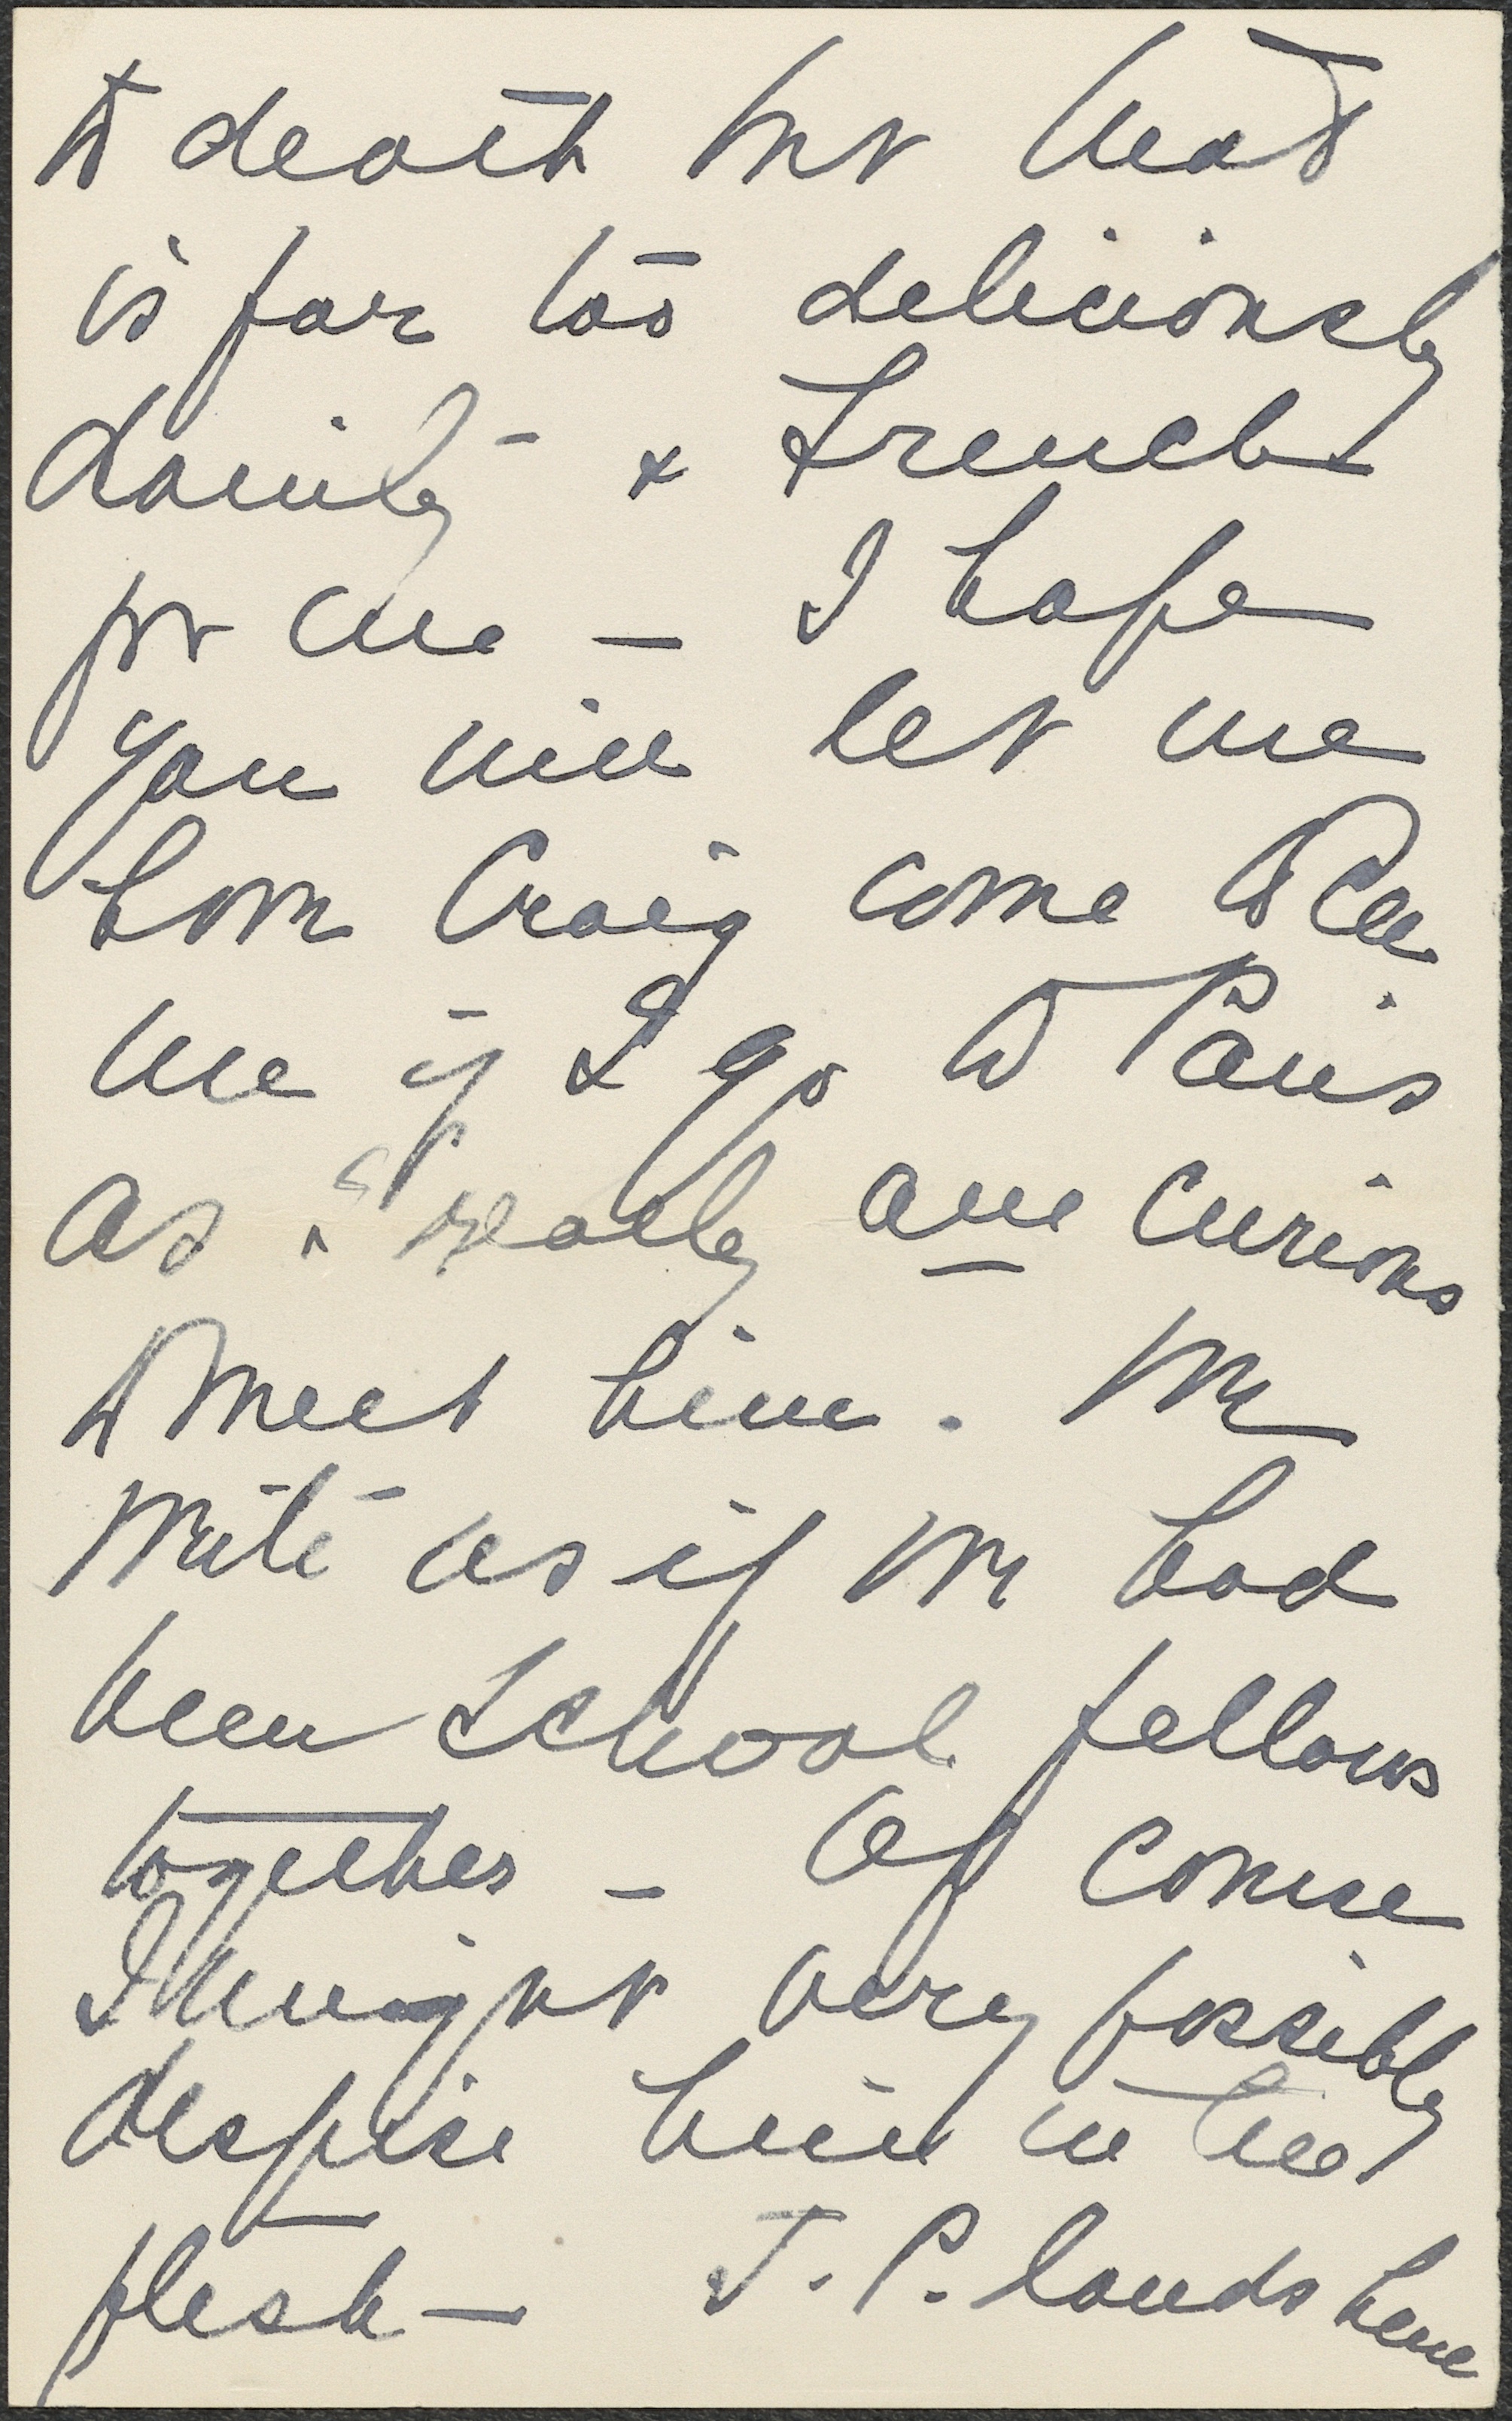to death but that is far too deliciously dainty & French for me – I hope you will let me have Craig come to see me if I go to Paris as [ˆIˆ] really am curious to meet him. We write as if we had been school fellows together – Of course I might very possibly despise him in the flesh – J. P. lands here